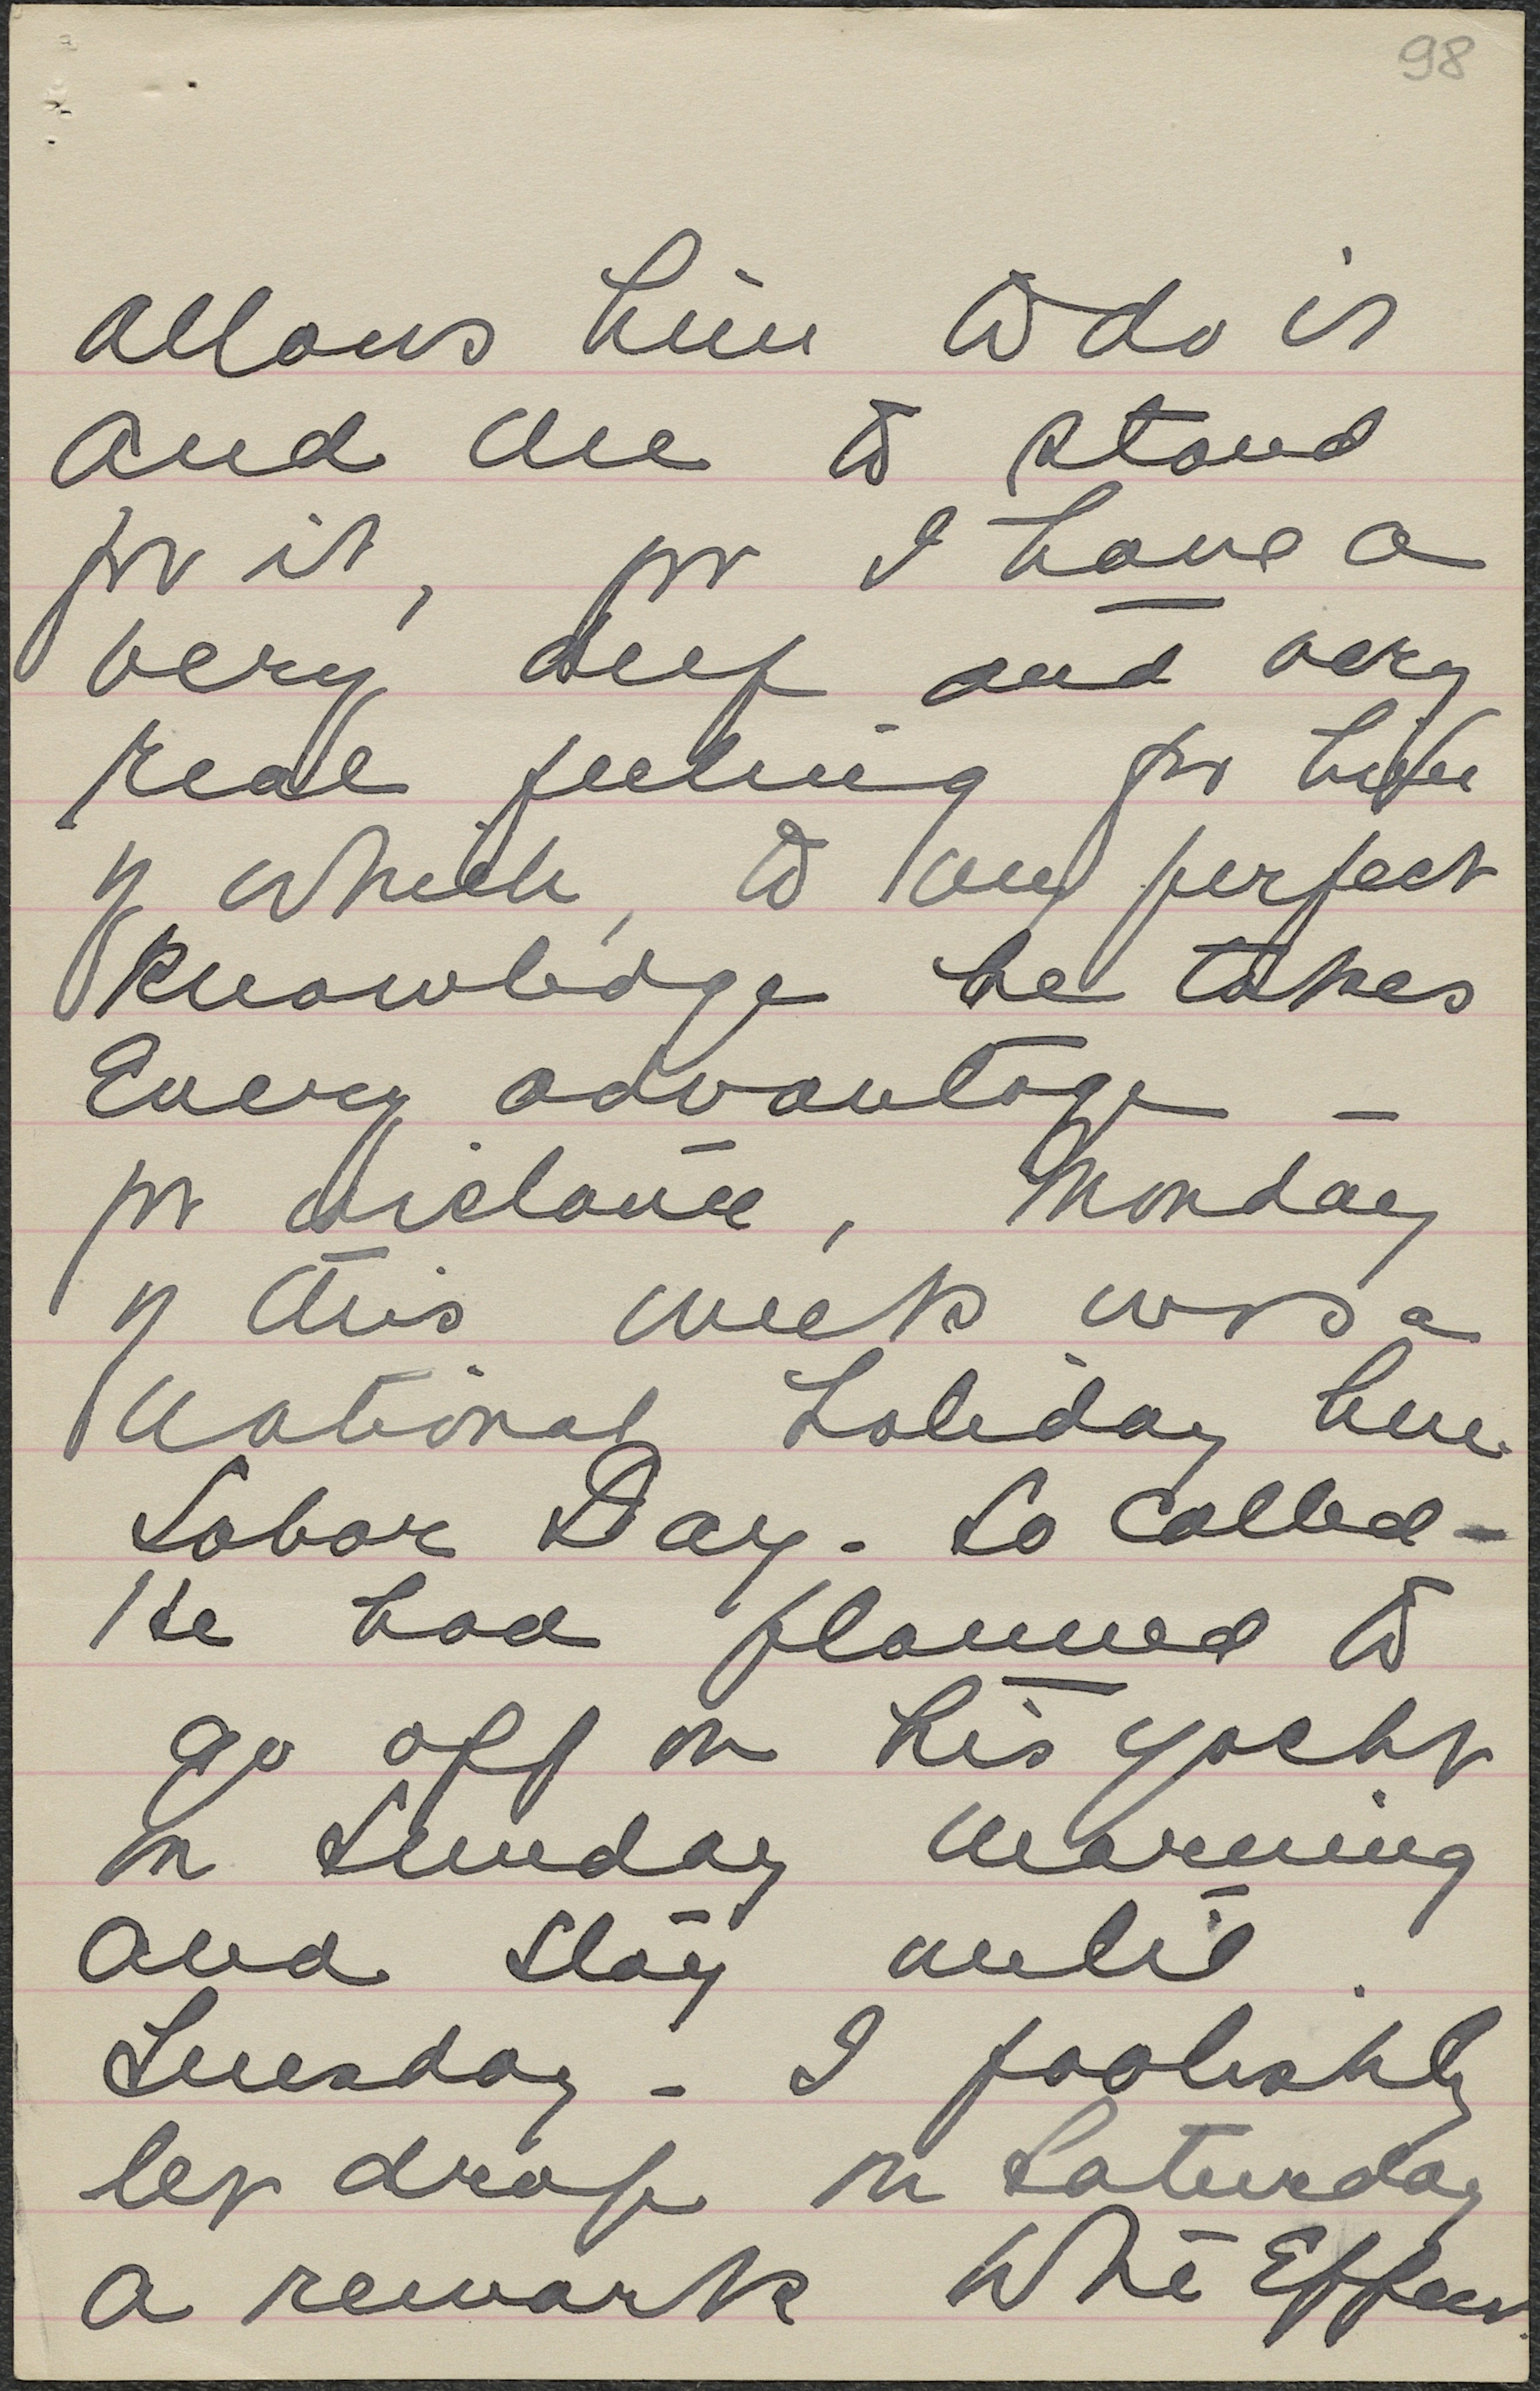allows him to do it and me to stand for it, for I have a very deep and very real feeling for him of which, to my perfect knowledge he takes every advantage – for instance, Monday of this week was a national holiday here. Labor Day – so called – He had planned to go off on his yacht on Sunday morning and stay until Tuesday – I foolishly let drop on Saturday a remark to the effect